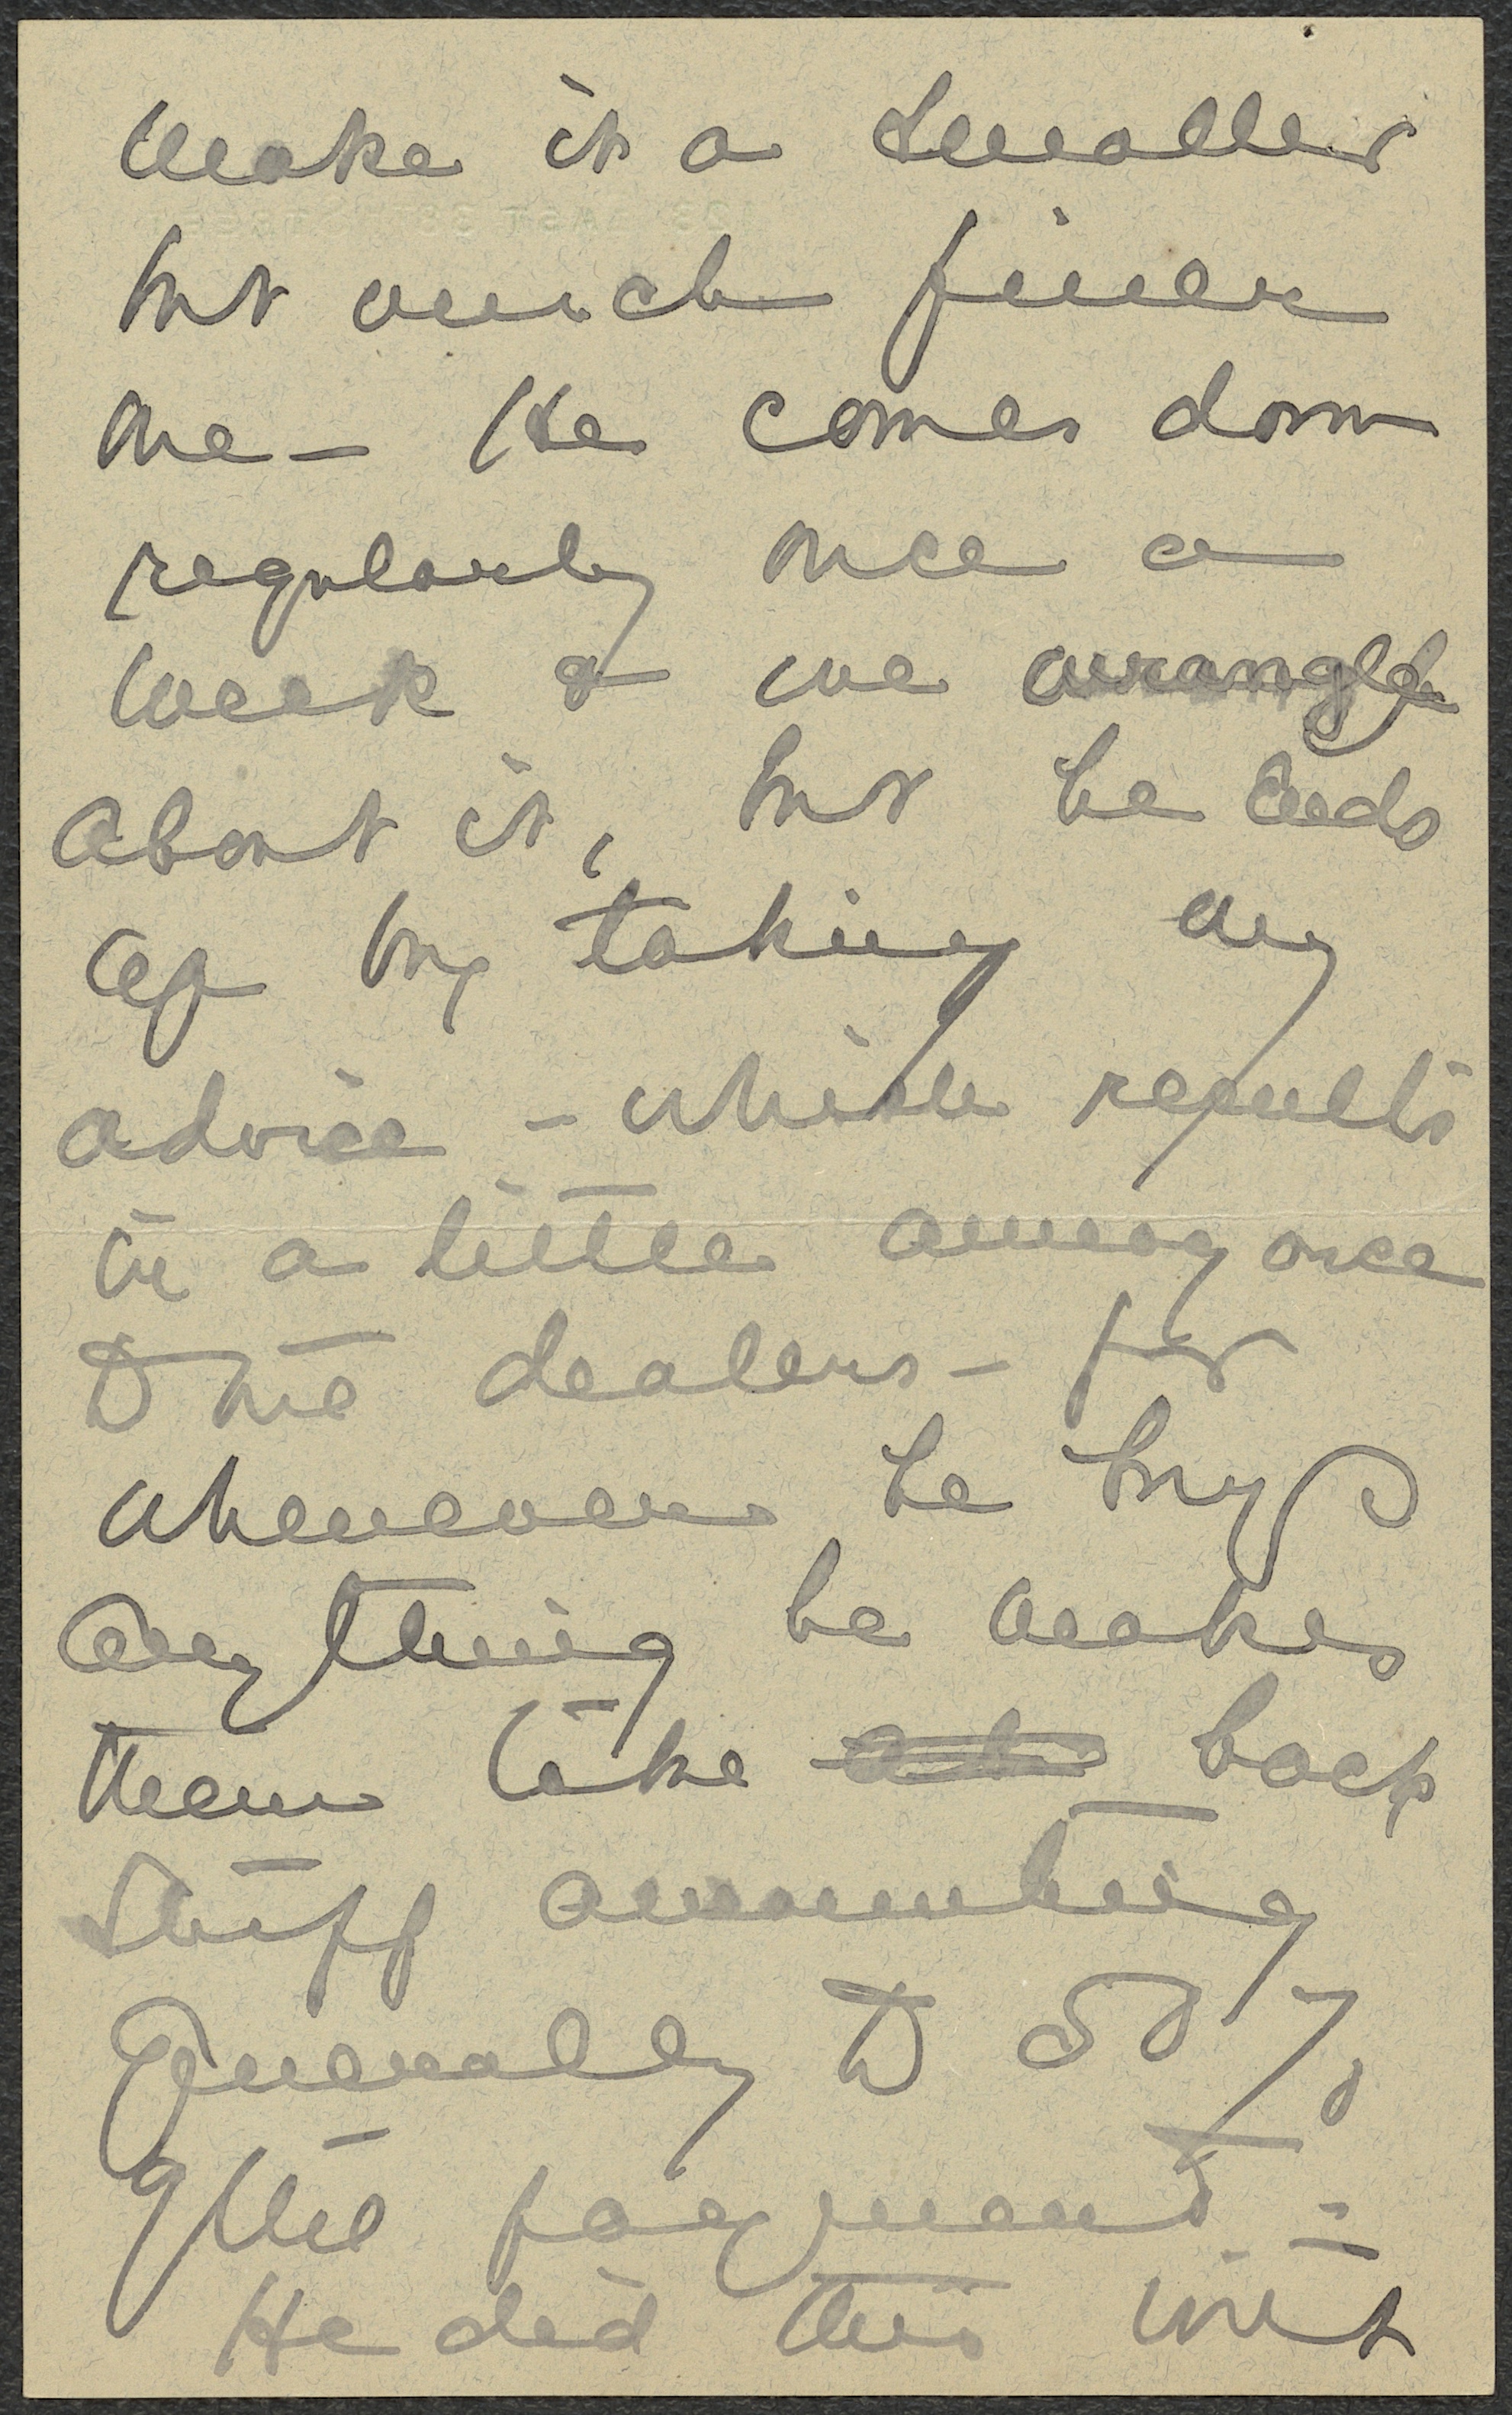make it a smaller but much finer one – He comes down regularly once a week & we wrangle about it, but he ends up by taking my advice – which results in a little annoyance to the dealers – for whenever he buys anything he makes them take a b back stuff amounting generally to 50% of the payment – He did this with